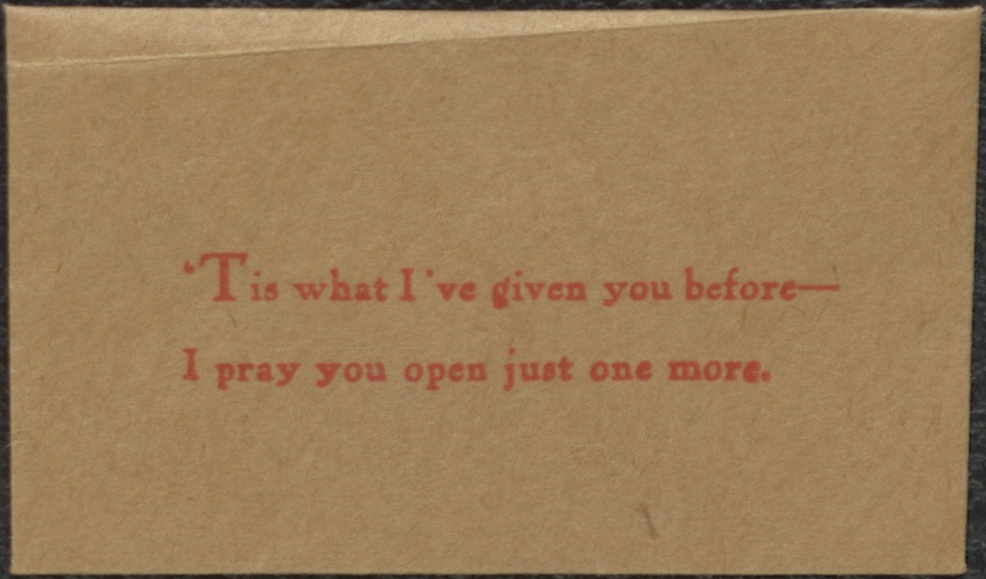[10]
‘Tis what I’ve given you before—
I pray you open just one more.